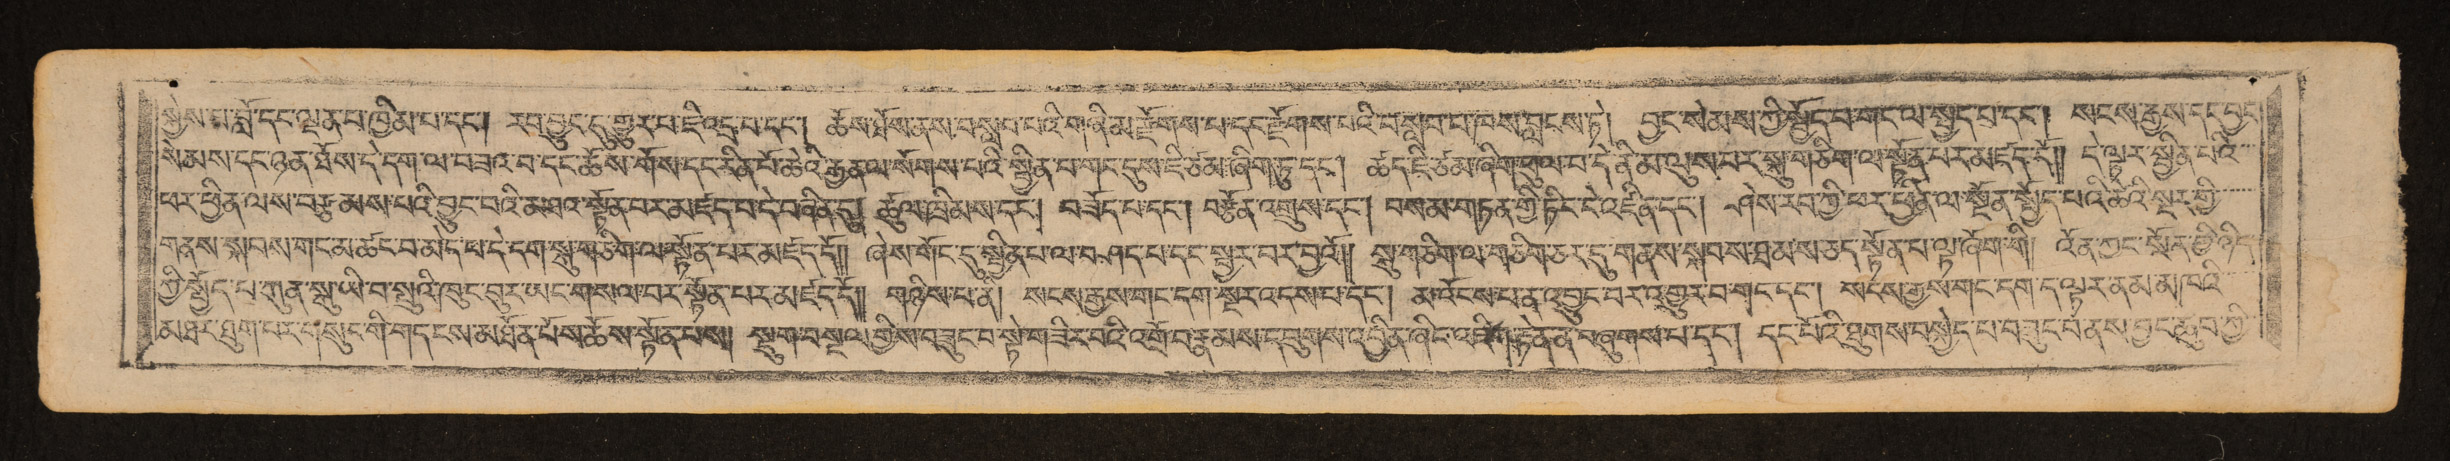སྐྱེས་པ་བློ་དང་ལྡན་པ་ཁྱིམ་པ་དང་། རབ་བྱུང་དུ་གྱུར་པ་ཇི་འདྲ་བ་དང་། ཆོས་ཐོས་ནས་བསླབ་པའི་གཞི་མ་རྫོགས་པ་དང་རྫོགས་པའི་བསླབ་པ་ཁས་བླངས་ཏེ། བྱང་སེམས་ཀྱི་སྤྱོད་པ་གང་ལ་སྤྱད་པ་དང་། སངས་རྒྱས་དང་བྱང་
སེམས་དང་ཉན་ཐོས་དེ་དག་ལ་བཟའ་བ་དང་ཆོས་གོས་དང་རིན་པོ་ཆེའི་རྒྱན་ལ་སོགས་པའི་སྦྱིན་པ་གང་དུས་ཇི་ཙམ་ཞིག་ཏུ་དང་། ཚད་ཇི་ཙམ་ཞིག་ཕུལ་བ་དེ་ནི་མ་ལུས་པར་སྐུ་གཅིག་ལ་སྟོན་པར་མཛད་དོ།། དེ་ལྟར་སྦྱིན་པའི་
ཕར་ཕྱིན་ལས་བརྩམས་པའི་བྱུང་བའི་མཐའ་སྟོན་པར་མཛད་པ་དེ་བཞིན་དུ། ཚུལ་ཁྲིམས་དང་བཟོད་པ་དང་། བརྩོན་འགྲུས་དང་། བསམ་གཏན་གྱི་ཏིང་ངེ་འཛིན་དང་། ཤེས་རབ་ཀྱི་ཕར་ཕྱིན་ལ་སྔོན་སྤྱོད་པའི་ཚེའི་སྔར་གྱི་
གནས་སྐབས་གང་མ་ཚང་བ་མེད་པ་དེ་དག་སྐུ་གཅིག་ལ་སྟོན་པར་མཛད་དོ།། ཞེས་གོང་དུ་སྦྱིན་པ་ལ་བཤད་པ་དང་སྦྱར་བར་བྱའོ།། སྐུ་གཅིག་ལ་གཅིག་ཅར་དུ་གནས་སྐབས་ཐམས་ཅད་སྟོན་པ་ལྟ་ཞོག་གི། འོན་ཀྱང་སྔོན་གྱི་ཉིད་
ཀྱི་སྤྱོད་པ་ཀུན་སྐུ་ཡི་བ་སྤུའི་ཁུང་བུར་ཡང་གསལ་བར་སྟོན་པར་མཛད་དོ།། གཉིས་པ་ནི། སངས་རྒྱས་གང་དག་སྔར་འདས་པ་དང་། མ་འོངས་པ་ན་འབྱུང་བར་འགྱུར་བ་གང་དང་། སངས་རྒྱས་གང་དག་ད་ལྟར་ནམ་མཁའི་
མཐར་ཐུག་པར་གསུང་གི་གདངས་མཐོན་པོས་ཆོས་སྟོན་པས། སྡུག་བསྔལ་གྱིས་བཟུང་བ་སྟེ་གཟིར་བའི་འགྲོ་བ་རྣམས་དབུགས་འབྱིན་ཞིང་འཇིག་རྟེན་ན་བཞུགས་པ་དང་། དང་པོའི་ཐུགས་བསྐྱེད་པ་བཟུང་བ་ནས་བྱང་ཆུབ་ཀྱི་